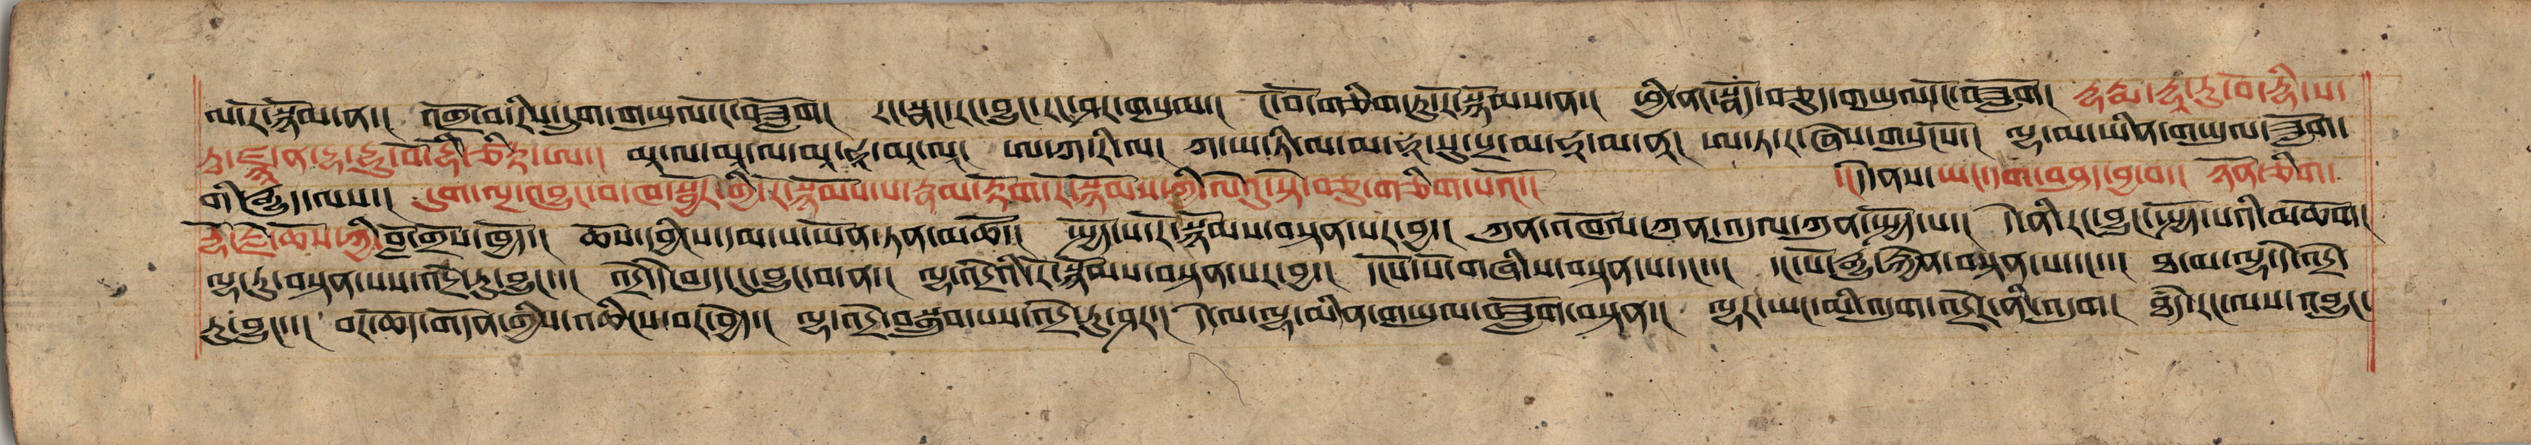ལ་རོ་སྙོམ་ན་། འགྲོ་བ་རིས་དྲུག་གཡུལ་ངོ་བཟློག། རང་སྣང་རང་བྱུང་རང་ཤར་གསུམ་། ངོ་བོ་གཅིག་ཏུ་རོ་སྙོམས་ན་། ཕྱི་ནང་སྣོད་བཅུད་གཡུལ་ངོ་བཟློག། ཌྷརྨ་ཌྷཱ་ཏུ་བོ་ཌྷི་ས་
ཏྭ་ཛྙཱ་ན་དྷ་དྷུ་བོ་དྷི་ཙིཏྟ་ཨ་། མཱ་ལ་མཱ་ལ་མཱ་ཧཱ་མཱ་ལཱ། ཨ་ཀ་རི་ལ། ཀ་ཡ་ཏི་མ་མ་ཧཱ་སུ་པྲ་མ་ཧཱ་མ་ནཱ། ཨ་ཏ་ར་ཞེས་གསུངསོ་། ལྷ་མ་ཡིན་གཡུལ་ཟློག་
གི་རྒྱུད་ལས་། དུག་ལྔ་འབྱུང་བ་ཁ་སྦྱོར་གྱི་རོ་སྙོམས་པ་རྣམ་རྟོག་རོ་སྙོམས་ཀྱི་ལེའུ་སྟེ་བཅུ་གཅིག་པའོ་། ་།དེ་ནས་ཡང་དག་བཤད་བྱ་བ་། ཉོན་ཅིག་
རྡོ་རྗེ་ཆོས་ཀྱི་བློ་གྲོས་ཁྱོད་། ཆོས་དབྱིངས་དམ་པ་ཡོན་ཏན་མཚོ་། སྤྱོད་པ་རོ་སྙོམས་བསྟན་པར་བྱ་། ཀུན་འཁོལ་ཀུན་འདུལ་ཀུན་སྤྱོད་པ་། དེ་ནི་རང་བྱུང་སྤྱོད་པའི་མཆོག།
ལྷ་རུ་བསྟན་པས་འདྲེ་རུ་བྱུང་་། འདྲེ་དེ་བདུད་དུ་བྱུང་བ་ན་། ལྷ་འདྲེའི་རོ་སྙོམས་བསྟན་པར་བྱ་། དངོས་པོ་གཞི་ས་བསྟན་པ་དང་་། དང་པོ་རྒྱུ་རྐྱེན་བསྟན་པ་དང་་། ཐ་མ་ལྷ་དེ་འདྲེ་
རུ་བྱུང་་། བར་ཆོད་གདོན་གྱིས་འཆིངས་བར་བྱེད་། ལྷ་འདྲེ་བསྒྲུབ་པས་འདྲེ་རུ་ཤར་། དེ་ལ་ལྷ་མིན་གཡུལ་བཟློག་བསྟན་། ལྷར་ཡང་མི་འདུག་འདྲེར་ནི་འདུག། ཐཾད་རང་ལས་འབྱུང་